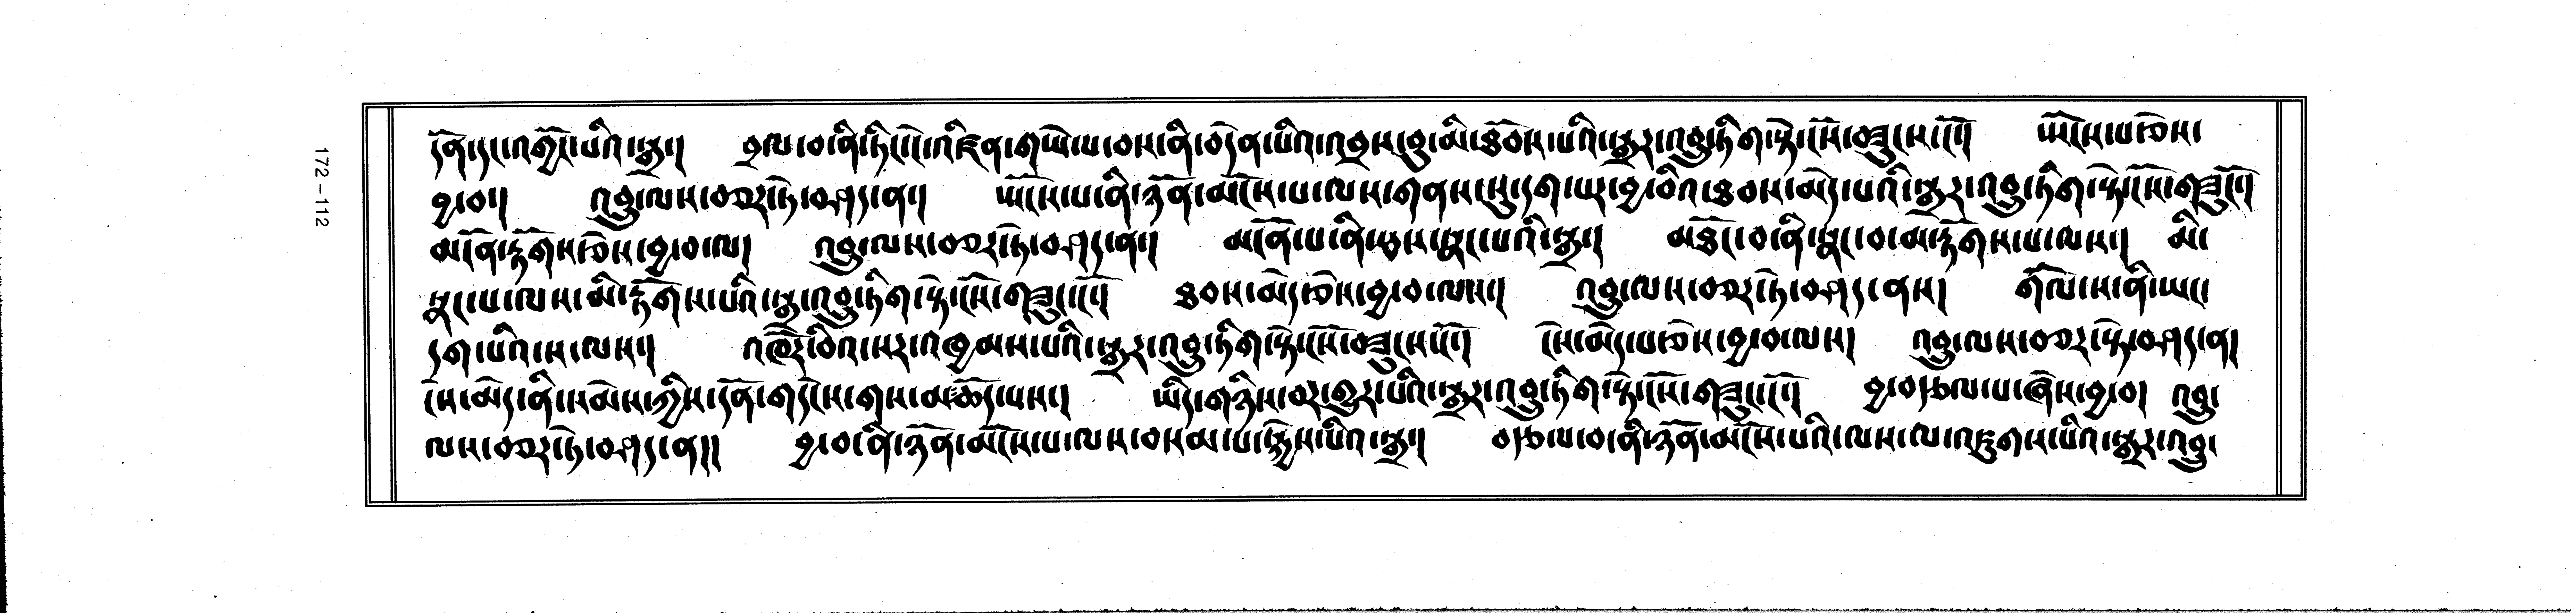དོན་དང་འགྱོང་པའི་སྒྲ། བྲལ་བ་ནི་ཏིང་ངེ་འཛིན་གཡེལ་བས་ན་བདེན་པའི་འབྲས་བུ་མི་ཐོབས་པའི་སྒྲར་འབྲུ་ཏིག་སྟེ་ངོས་གཟུངས་ངོ་། སྤོངས་པ་ཅེས་
བྱ་བ། འབྲུ་ལས་བཅར་ཏེ་བཤད་ན། སྤོངས་པ་ནི་ཉོན་མོངས་པ་ལས་གནས་སུ་དག་པར་བྱ་བའི་ཐབས་མེད་པའི་སྒྲར་འབྲུ་ཏིག་སྟེ་ངོས་གཟུངས་ངོ་། 
མངོན་རྟོགས་ཅེས་བྱ་བ་ལ། འབྲུ་ལས་བཅར་ཏེ་བཤད་ན། མངོན་པ་ནི་ཕས་སྣང་པའི་སྒྲ། མཐོང་བ་ནི་སྣང་བ་མ་རྟོགས་པ་ལས། མི་
སྣང་པ་ལས་མི་རྟོགས་པའི་སྒྲ་འབྲུ་ཏིག་སྟེ་ངོས་གཟུངས་ངོ་། ཐབས་མེད་ཅེས་བྱ་བ་ལས། འབྲུ་ལས་བཅར་ཏེ་བཤད་ནས། གོལ་ས་ནི་ཡང་
དག་པའི་ས་ལས། འཁོར་བའི་སར་འཁྱམས་པའི་སྒྲར་འབྲུ་ཏིག་སྟེ་ངོས་གཟུངས་ངོ་། ངེས་མེད་པ་ཅེས་བྱ་བ་ལས། འབྲུ་ལས་བཅར་སྟེ་བཤད་ན། 
ངེས་མེད་ནི་སེམས་ཀྱིས་དོན་གདེངས་གིས་མ་ཆོད་པས། ཡིད་གཉིས་བར་གྱུར་པའི་སྒྲར་འབྲུ་ཏིག་སྟེ་ངོས་གཟུངས་ངོ་། བྱ་བརྩལ་པ་ཞེས་བྱ་བ། འབྲུ་
ལས་བཅར་ཏེ་བཤད་ན། བྱ་བ་ནི་ཉིན་མོངས་པ་ལས་བསམ་པ་སྐྱེས་པའི་སྒྲ། བརྩལ་བ་ནི་ཉོན་མོངས་པའི་ལས་ལ་འཇུགས་པའི་སྒྲར་འབྲུ་